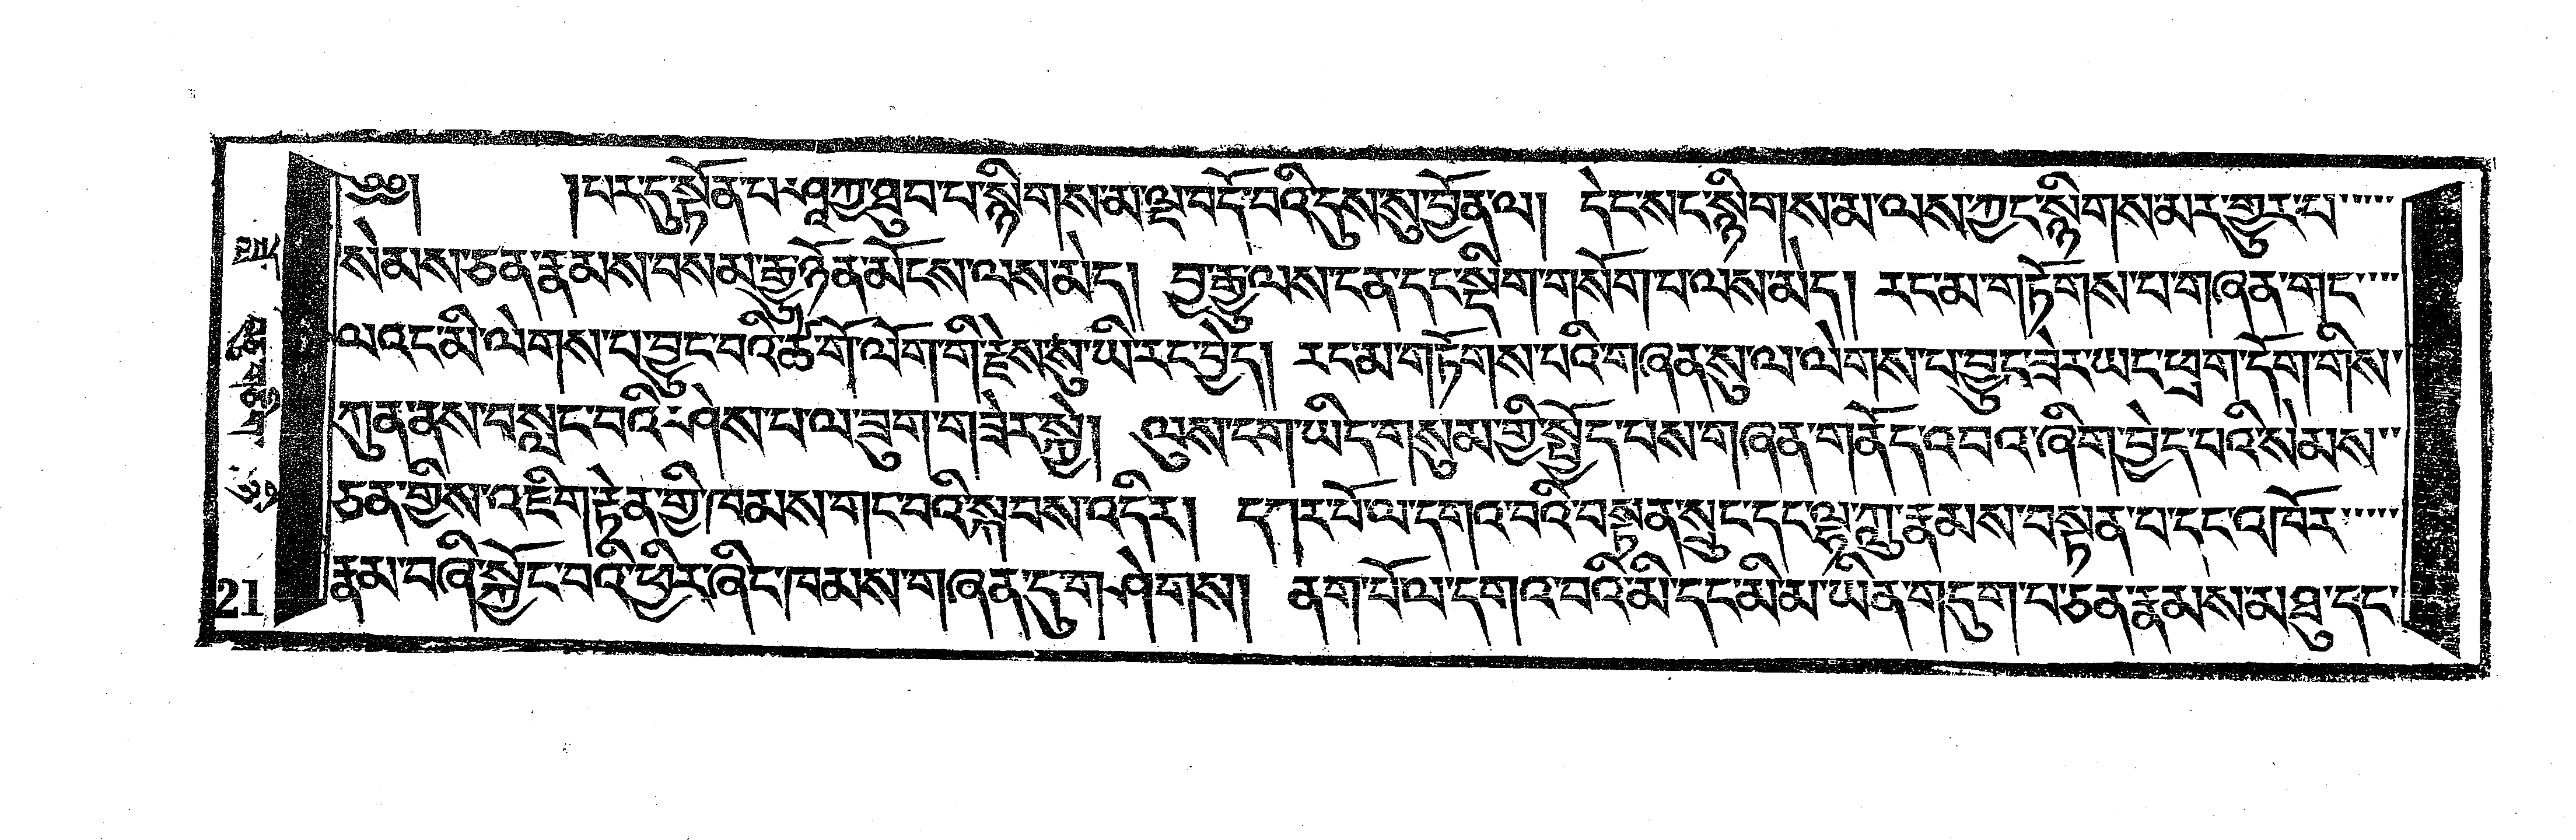༄༅། །པར་དུ་སྟོན་པ་ཤཱཀྱ་ཐུབ་པ་སྙིགས་མ་ལྔ་བདོ་བའི་དུས་སུ་བྱོན་ལ། དེང་སང་སྙིགས་མ་ལས་ཀྱང་སྙིགས་མར་གྱུར་པ་
སེམས་ཅན་རྣམས་བསམ་རྒྱུ་ཉོན་མོངས་ལས་མེད། བྱ་རྒྱུ་ལས་ངན་དང་སྡིག་གསོག་པ་ལས་མེད། རང་མ་གཏོགས་པ་གཞན་གང་
ལའང་མི་ལེགས་པ་བྱུང་བའི་ཚེ་གོ་ལོག་གི་རྗེས་སུ་ཡི་རང་བྱེད། རང་མ་གཏོགས་པའི་གཞན་སུ་ལ་ལེགས་པ་བྱུང་ཟེར་ཡང་ཕྲག་དོག་གིས་
ཀུན་ནས་བསླང་བའི་ཤེས་པ་ལ་ཟུག་གཟེར་སྐྱེ། ལུས་ངག་ཡིད་གསུམ་གྱི་སྤྱོད་པས་གཞན་གནོད་འབའ་ཞིག་བྱེད་པའི་སེམས་
ཅན་གྱིས་འཇིག་རྟེན་གྱི་ཁམས་གང་བའི་སྐབས་འདིར། དཀར་པོ་ལ་དགའ་བའི་བསྟན་སྲུང་དང་ལྷ་ཀླུ་རྣམས་བསྟན་པ་དང་འཁོར་
རྣམ་བཞི་སྐྱོང་བའི་ཕྱིར་ཞིང་ཁམས་གཞན་དུ་གཤེགས། ནག་པོ་ལ་དགའ་བའི་མི་དང་མི་མ་ཡིན་གདུག་པ་ཅན་རྣམས་མཐུ་དང་